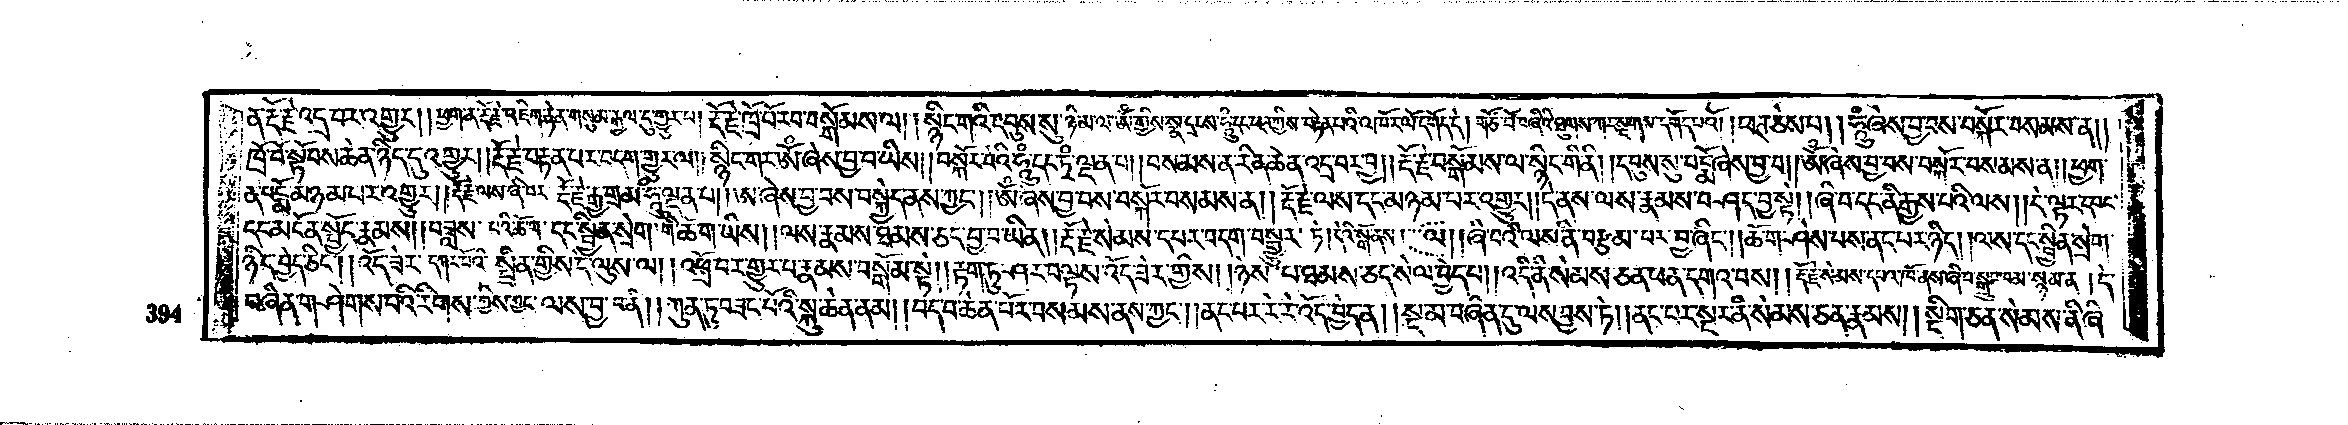ན་རྡོ་རྗེ་འདྲ་བར་འགྱུར། ། ཕྱག་ན་རྡོ་རྗེ་འཇིག་རྟེན་གསུམ་རྒྱལ་དུ་གྱུར་པ།  རྡོ་རྗེ་ཁྲོ་བོ་རབ་བསྒོམས་ལ། །སྙིང་གའི་དབུས་སུ་ཉི་མ་ལ་ཨོཾ་གྱིས་སྣ་དྲངས་ཧཱུཾ་དང་ཕཊ་ཀྱིས་བརྟེན་པའི་འཁོར་ལོ་དགོད་དེ། གཙོ་བོ་བཞིའི་ཐུགས་ཀར་སྔགས་དགོད་པའོ།  །ཕཊ་ཅེས་པ། །ཧཱུཾ་ཞེས་བྱ་བས་བསྐོར་བསམས་ན། །
ཁྲོ་བོ་སྟོབས་ཆེན་ཉིད་དུ་འགྱུར། །རྡོ་རྗེ་བརྟན་པར་བདག་གྱུར་ལ། །སྙིང་གར་ཨོཾ་ཞེས་བྱ་བ་ཡིས། །བསྐོར་བའི་ཧཱུཾ་དང་ཏྲཾ་ལྡན་པ། །བསམས་ན་རིན་ཆེན་འདྲ་བར་བྱ། །རྡོ་རྗེ་བསྒོམས་ལ་སྙིང་གི་ནི། །དབུས་སུ་པདམོ་ཞེས་བྱ་བ། །ཨོཾ་ཞེས་བྱ་བས་བསྐོར་བསམས་ན། །ཕྱག་
ན་པདམོ་མཉམ་པར་འགྱུར། ། རྡོ་རྗེ་ལས་ཞི་བར་རྡོ་རྗེ་རྒྱ་གྲམ་ཧཱུཾ་ལྡན་པ། །ཨ་ཞེས་བྱ་བས་བསྐྱེད་ནས་ཀྱང་། །ཨོཾ་ཞེས་བྱ་བས་བསྐོར་བསམས་ན། །རྡོ་རྗེ་ལས་དང་མཉམ་པར་འགྱུར། །དེ་ནས་ལས་རྣམས་བཤད་བྱ་སྟེ། །ཞེ་བ་དང་ནི་རྒྱས་པའི་ལས། །དེ་ལྟར་དབང་
དང་མངོན་སྤྱོད་རྣམས། །བཟླས་པའི་ཆོ་ག་དང་སྦྱིན་སྲྭེག་གི་ཆོ་ག་ཡིས། །ལས་རྣམས་ཐམས་ཅད་བྱ་བ་ཡིན། །རྡོ་རྗེ་སེམས་དཔར་བདག་བསྒྱུར་ཏེ། དེའི་སྒོ་ནས།  ལ། །ཞི་བའི་ལས་ནི་བརྩམ་པར་བྱ་ཞིང་། །ཆོ་ག་ཤེས་པས་ནང་པར་ཉིད། །ལས་དང་སྦྱིན་སྲེག་
ཉིད་བྱེད་ཅིང་། །འོད་ཟེར་དཀར་པོའི་སྤྲིན་གྱིས་དེ་ལུས་ལ། །འཕྲོ་བར་གྱུར་པ་རྣམས་བསྒོམ་སྟེ། །རྟག་ཏུ་ཤར་བལྟས་འོད་ཟེར་གྱིས། །ཉེས་པ་ཐམས་ཅད་སེལ་བྱེད་པ། །འདི་ནི་སེམས་ཅན་ཕན་དགའ་བས། ། རྡོ་རྗེ་སེམས་དཔའ་ཁོ་ནས་ཞི་པ་སྒྲུབ་བམ་སྙམ་ན།  དེ་
བཞིན་གཤེགས་པའི་རིགས་ཀྱིས་ཀྱང་ལས་བྱ་བ་ནི།  །ཀུན་ཏུ་བཟང་པོའི་སྐུ་ཆེན་ནམ། །བདེ་བ་ཆེན་པོར་བསམས་ནས་ཀྱང་། །ནང་པར་རེ་རེ་འོད་བྱེད་ན། །སྔ་མ་བཞིན་དུ་ལས་བྱས་ཏེ། །ནང་པར་སྔར་ནི་སེམས་ཅན་རྣམས། །སྡིག་ཅན་སེམས་ནི་ཞི་